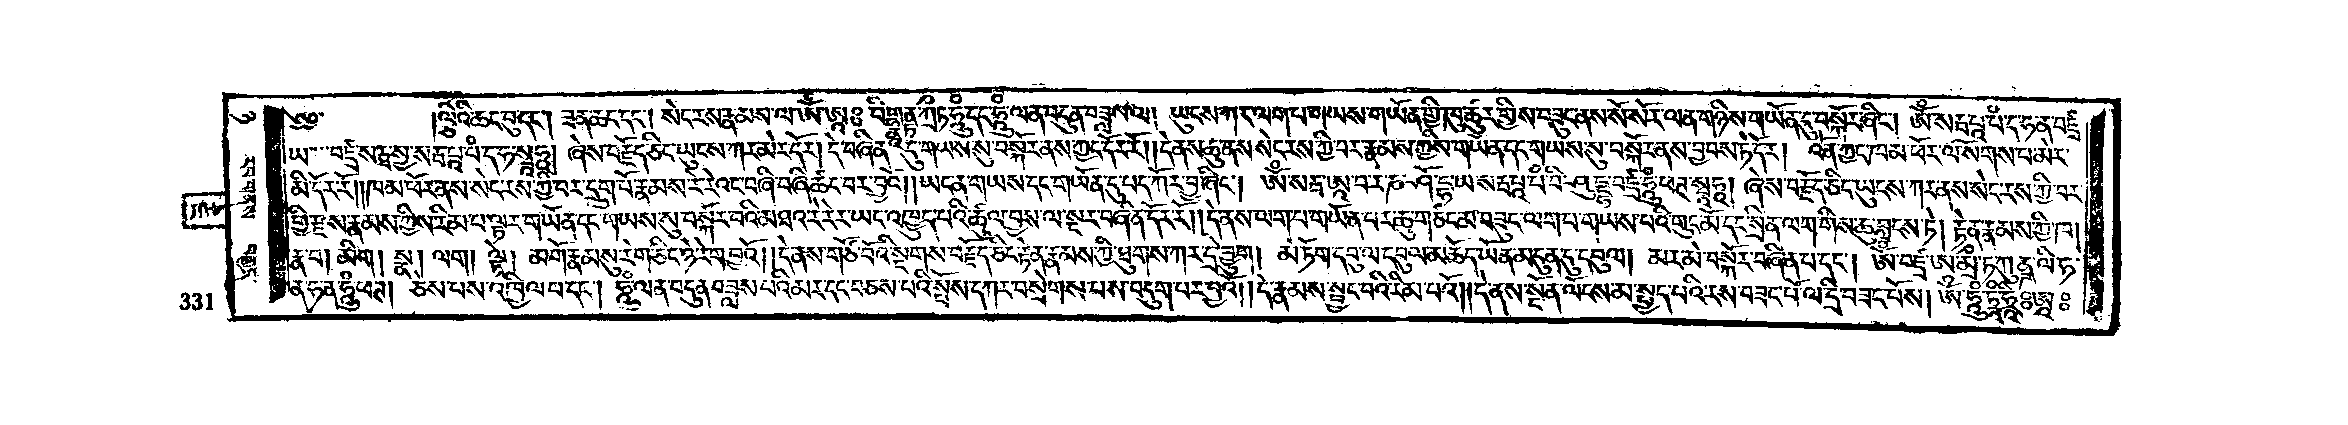༄༅། །ལྕིའི་ཆང་བུ་དང་། ཟན་ཆང་དང་། སེང་རས་རྣམས་ལ་ཨོཾ་ཨཱཿ བིགྷྣཱནྟ་ཀྲྀ་ཏ་ཧཱུཾ་དང་ཧཱུཾ་ལན་བདུན་བཟླས་ལ། ཡུངས་ཀར་ལག་པ་གཡས་གཡོན་གྱི་ཁུ་ཚུར་གྱིས་བཟུང་ནས་སོ་སོར་ལན་གཉིས་གཡོན་དུ་བསྐོར་ཞིང་། ཨོཾ་སརྦ་པཱ་པཾ་ད་ཧ་ན་བཛྲ་
ཡ་བཛྲ་སཏྭ་སྱ་སརྦ་པཱ་པཾ་ད་ཧ་སྭཱ་ཧཱ། ཞེས་བརྗོད་ཅིང་ཡུངས་ཀར་མེར་དོར། དེ་བཞིན་དུ་གཡས་སུ་བསྐོར་ནས་ཀྱང་དོར་རོ། །དེ་ནས་ཆུ་ནས་སེང་རས་ཀྱི་བར་རྣམས་ཀྱིས་གཡོན་དང་གཡས་སུ་བསྐོར་ནས་བྱབས་ཏེ་དོར། འོན་ཀྱང་ཁམ་ཕོར་ལ་སོགས་པ་མེར་
མི་དོར་རོ། །ཁམ་ཕོར་ནས་སེང་རས་ཀྱི་བར་དྲུག་པོ་རྣམས་རེ་རེའང་བཞི་བཞི་ཚང་བར་བྱའོ། །ཡང་ན་གཡས་དང་གཡོན་དུ་པད་ཀོར་བྱ་ཞིང་། ཨོཾ་སརྦ་ཨཱ་བ་ར་ཎ་ཤོ་དྷ་ཡ་སརྦ་པཱ་པཾ་བི་ཤུདྡྷ་བཛྲ་ཧཱུཾ་ཕཊ་སྭཱ་ཧཱ། ཞེས་བརྗོད་ཅིང་ཡུངས་ཀར་ནས་སེང་རས་ཀྱི་བར་
གྱི་རྫས་རྣམས་ཀྱིས་རིམ་པ་ལྟར་གཡོན་དང་གཡས་སུ་བསྐོར་བའི་མཐའ་རེ་རེར་ཡང་འཁྱུད་པའི་ཚུལ་བྱས་ལ་སྔར་བཞིན་དོར་རོ། །དེ་ནས་ལག་པ་གཡོན་པར་ཆུ་གཙང་མ་བཟུང་ལག་པ་གཡས་པའི་གུང་མོ་དང་སྲིན་ལག་གིས་ཆུ་བླངས་ཏེ། རྟེན་རྣམས་ཀྱི་ཁ།
རྣ་བ། མིག །སྣ། ལག །ལྟེ། མགོ་རྣམས་སུ་རེག་ཅིང་ཉེ་རེག་བྱའོ། །དེ་ནས་གཙོ་བོའི་སྔགས་བརྗོད་ཅིང་རྟེན་རྣམས་ཀྱི་ཐུགས་ཀར་དྲེ་བྱུག །མེ་ཏོག་དབུ་ལ་དབུལ་མཆོད་ཡོན་མདུན་དུ་དབུལ། མར་མེ་བསྐོར་བཞིན་པ་དང་། ཨོཾ་བཛྲ་ཨ་མྲྀ་ཏ་ཀུནྜ་ལི་ཧ་
ན་ཧ་ན་ཧཱུཾ་ཕཊ། ཅེས་པས་འཁྱིལ་པ་དང་། ཧཱུཾ་ལན་བདུན་བཟླས་པའི་མར་དང་བཅས་པའི་སྤོས་དཀར་བསྲེགས་པས་བདུག་པར་བྱའོ། །དེ་རྣམས་སྦྱང་བའི་རིམ་པའོ། །དེ་ནས་སྔོན་ལོངས་མ་སྤྱད་པའི་རས་བཟང་པོ་ལ་དྲི་བཟང་པོས། ཨོཾ་ཧཱུཾ་ཏྲཱཾ་ཧྲཱིཿ ཨཱཿ